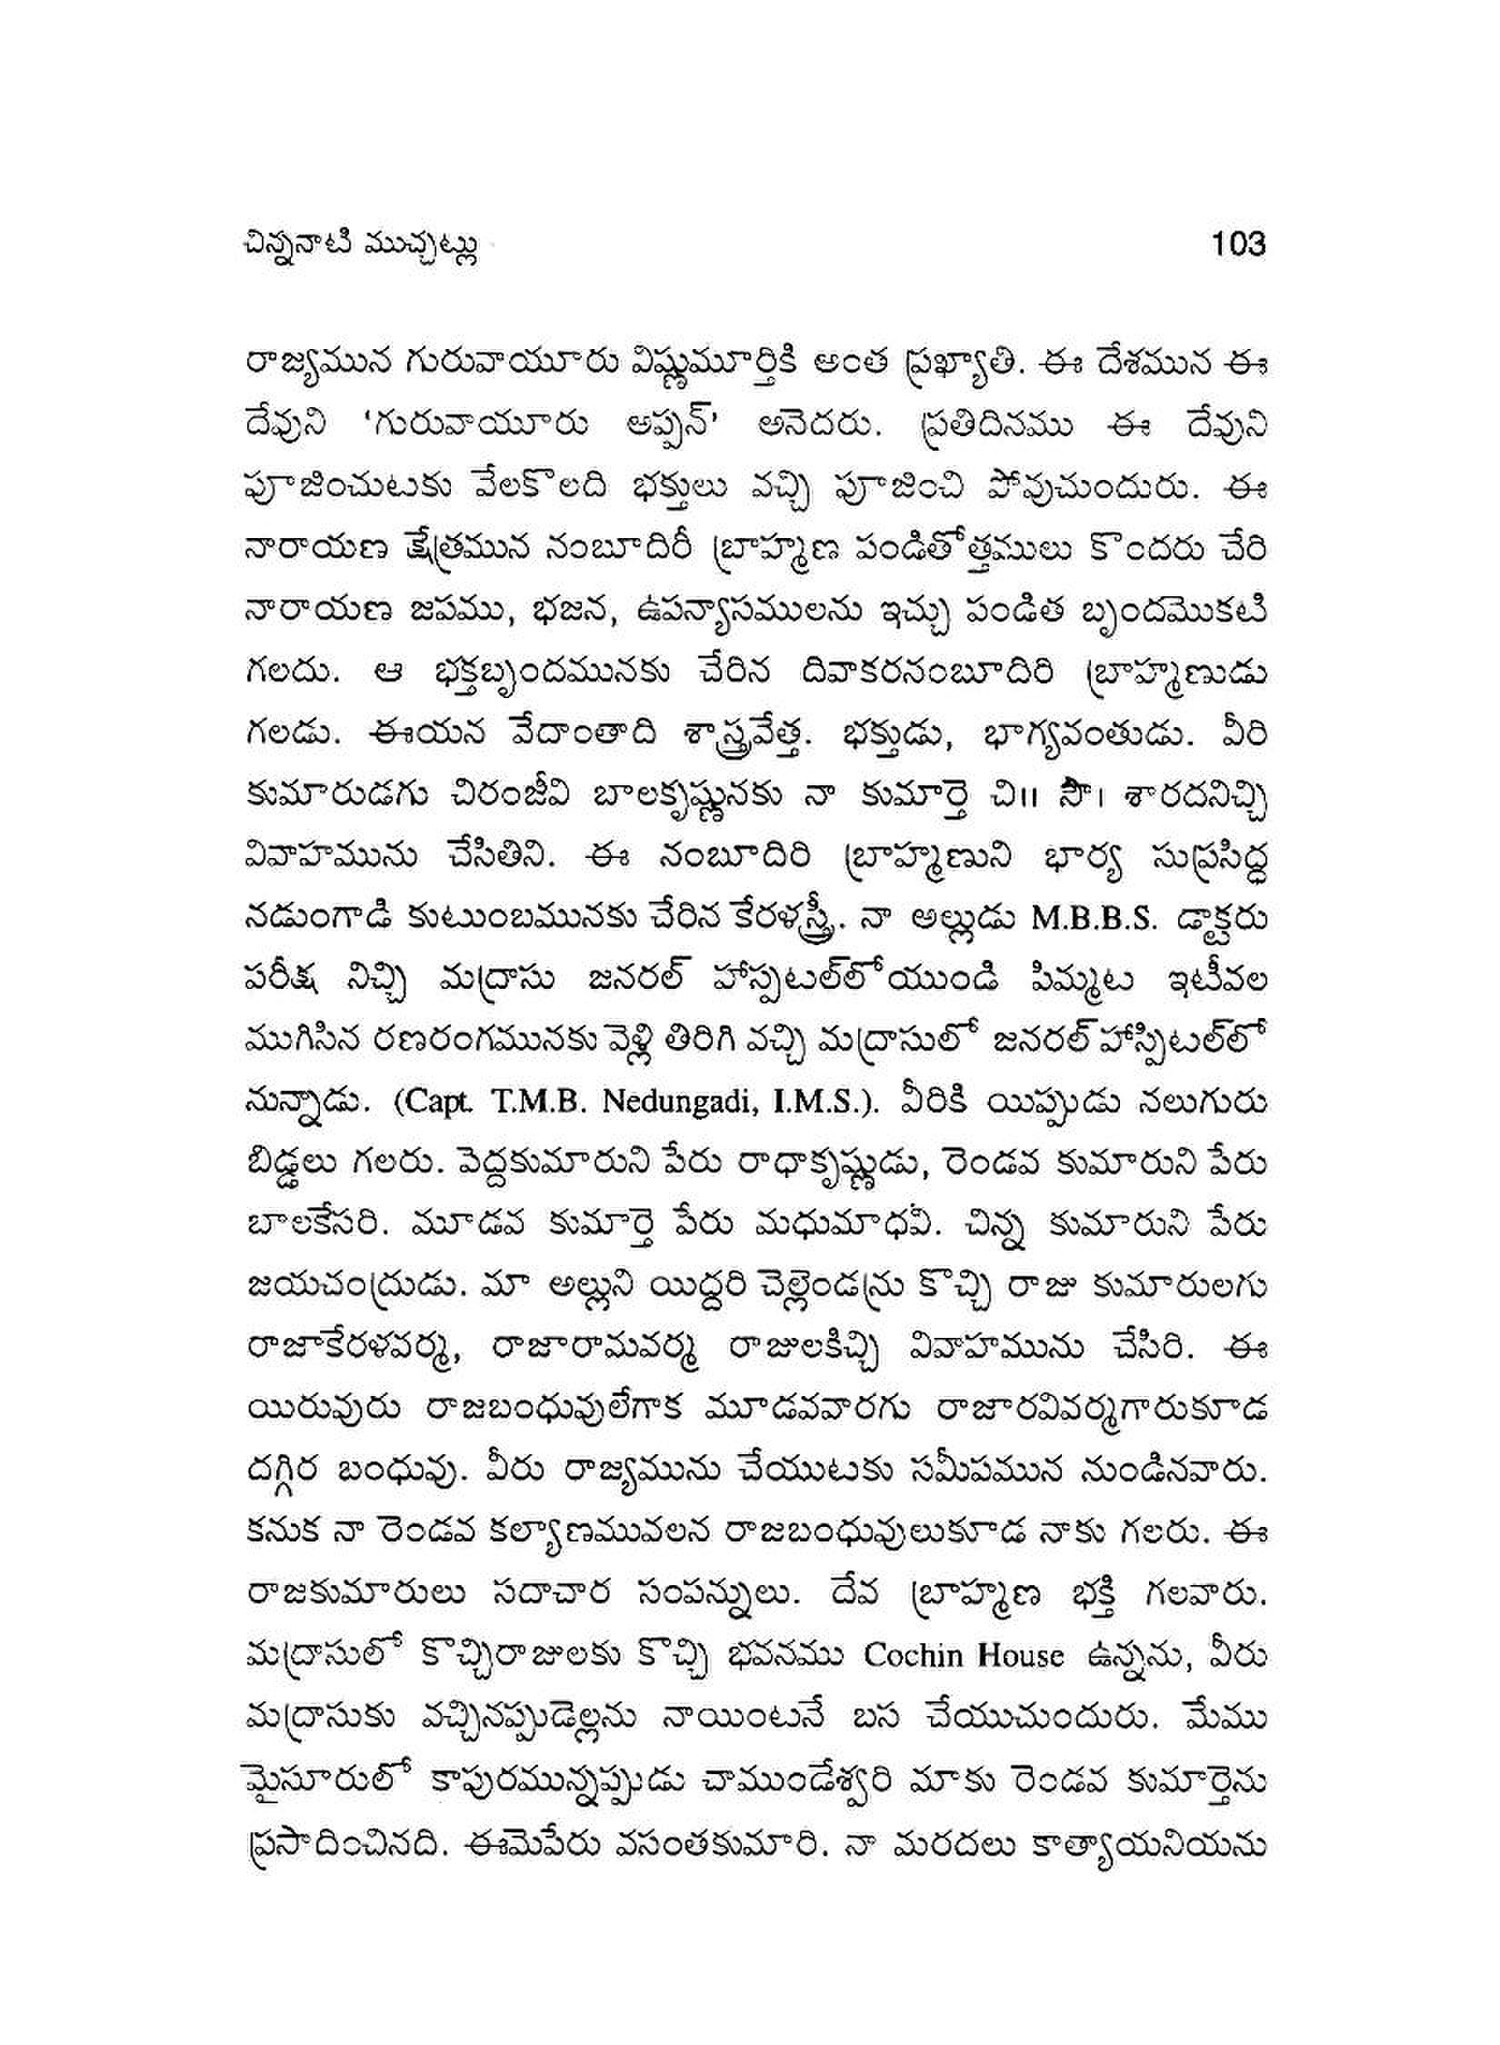రాజ్యమున గురువాయూరు విష్ణుమూర్తికి అంత ప్రఖ్యాతి. ఈ దేశమున ఈ దేవుని 'గురువాయూరు అప్పన్' అనెదరు. ప్రతిదినము ఈ దేవుని పూజించుటకు వేలకొలది భక్తులు వచ్చి పూజించి పోవుచుందురు. ఈ నారాయణ క్షేత్రమున నంబూదిరీ బ్రాహ్మణ పండితోత్తములు కొందరు చేరి నారాయణ జపము, భజన, ఉపన్యాసములను ఇచ్చు పండిత బృందమొకటి గలదు. ఆ భక్తబృందమునకు చేరిన దివాకరనంబూదిరి బ్రాహ్మణుడు గలడు. ఈయన వేదాంతాది శాస్త్రవేత్త. భక్తుడు, భాగ్యవంతుడు. వీరి కుమారుడగు చిరంజీవి బాలకృష్ణునకు నా కుమార్తె చి| సౌ| శారదనిచ్చి వివాహమును చేసితిని. ఈ నంబూదిరి బ్రాహ్మణుని భార్య సుప్రసిద్ద నడుంగాడి కుటుంబమునకు చేరిన కేరళస్త్రీ. నా అల్లుడు M.B.B.S. డాక్టరు పరీక్ష నిచ్చి మద్రాసు జనరల్ హాస్పటల్లో యుండి పిమ్మట ఇటీవల ముగిసిన రణరంగమునకు వెళ్లి తిరిగి వచ్చి మద్రాసులో జనరల్ హాస్పిటల్లో నున్నాడు. (Capt. T.M.B.Nedungadi, I.M.S.). వీరికి ఇప్పుడు నలుగురు బిడ్డలు గలరు. పెద్దకుమారుని పేరు రాధాకృష్ణుడు, రెండవ కుమారుని పేరు బాలకేసరి. మూడవ కుమార్తె పేరు మధుమాధవి. చిన్న కుమారుని పేరు జయచంద్రుడు. మా అల్లుని యిద్దరి చెల్లెండ్రను కొచ్చి రాజు కుమారులగు రాజాకేరళవర్మ, రాజారామవర్మ రాజులకిచ్చి వివాహమును చేసిరి. ఈ యిరువురు రాజబంధువులేగాక మూడవవారగు రాజారవివర్మగారుకూడ దగ్గిర బంధువు. వీరు రాజ్యమును చేయుటకు సమీపమున నుండినవారు. కనుక నా రెండవ కల్యాణమువలన రాజబంధువులుకూడ నాకు గలరు. ఈ రాజకుమారులు సదాచార సంపన్నులు. దేవ బ్రాహ్మణ భక్తి గలవారు. మద్రాసులో కొచ్చిరాజులకు కొచ్చి భవనము Cochin House ఉన్నను, వీరు మద్రాసుకు వచ్చినప్పుడెల్లను నాయింటనే బస చేయుచుందురు. మేము మైసూరులో కాపురమున్నప్పడు చాముండేశ్వరి మాకు రెండవ కుమార్తెను ప్రసాదించినది. ఈమెపేరు వసంతకుమారి, నా మరదలు కాత్యాయనియను